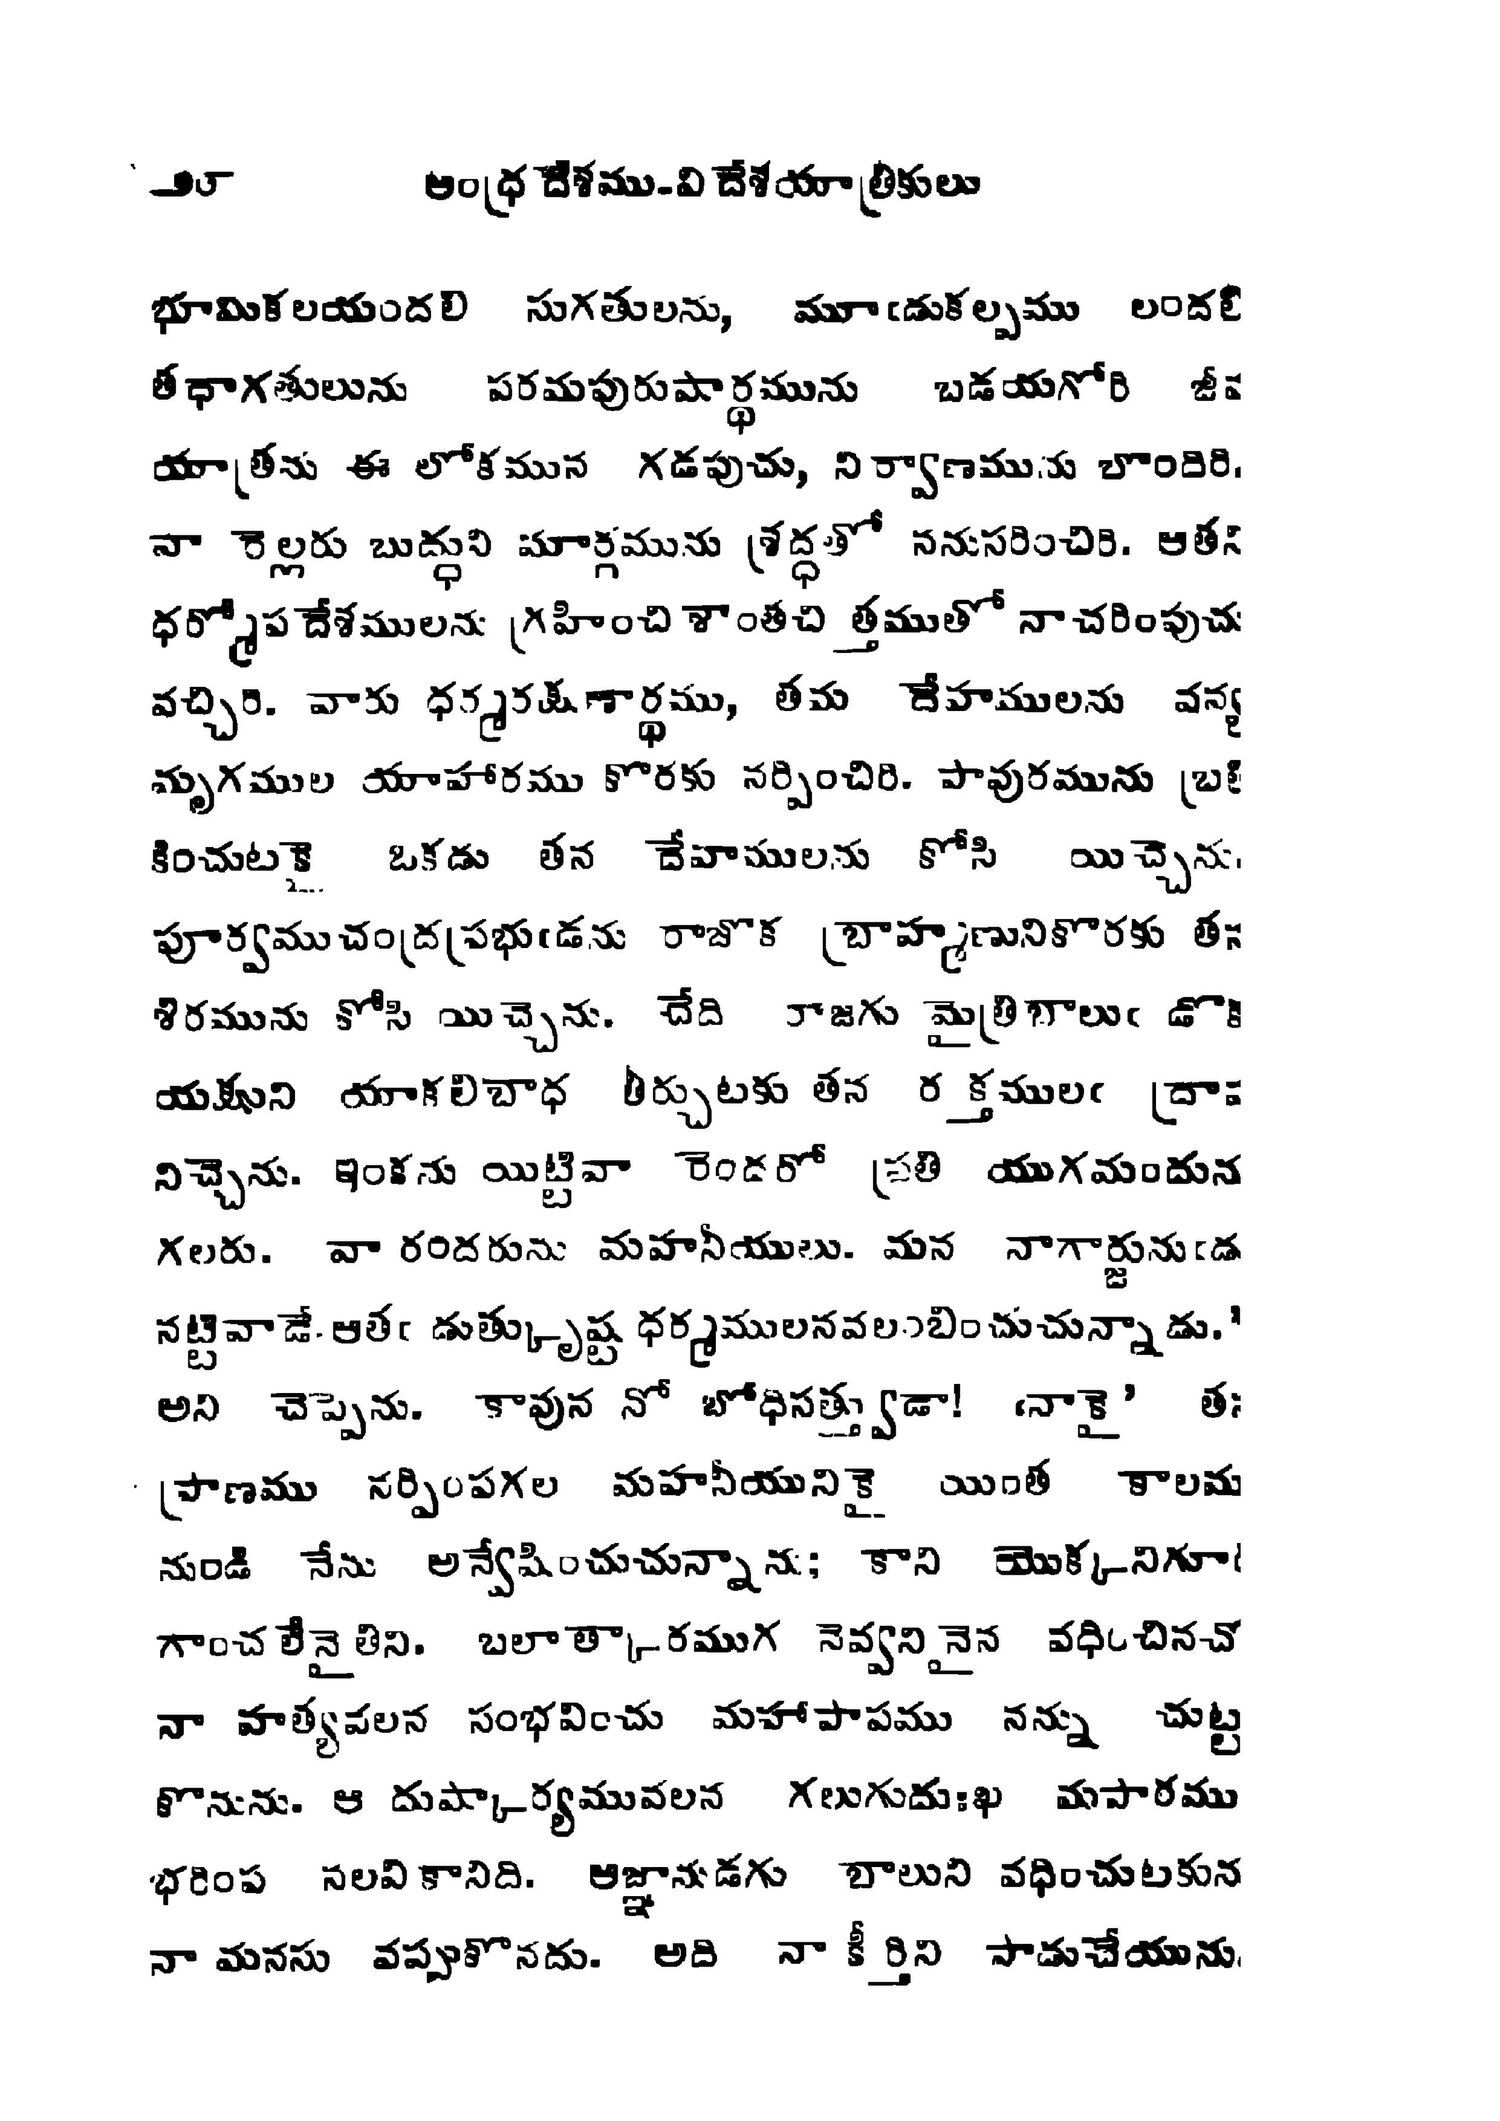భూమికలయందలి సుగతులను, మూడుకల్పము లందలి తధాగతులును పరమపురుషార్థమును బడయగోరి జీవయాత్రను ఈ లోకమున గడపుచు, నిర్వాణమును బొందిరి. వా రెల్లరు బుద్ధుని మార్గమును శ్రద్ధతో ననుసరించిరి. ఆతని ధర్మోపదేశములను గ్రహించి శాంతచిత్తముతో నాచరింపుచు వచ్చిరి. వారుధర్మరక్షణార్థము, తమ దేహములను వన్య మృగముల యాహారము కొరకు నర్పించిరి. పావురమును బ్రతికించుటకై ఒకడు తన దేహములను కోసి యిచ్చెను. పూర్వముచంద్రప్రభుడను రాజొక బ్రాహ్మణునికొరకు తన శిరమును కోసి యిచ్చెను. చేది రాజగు మైత్రిబాలు డొక యక్షుని యాకలిబాధ తీర్చుటకు తన రక్తముల ద్రావ నిచ్చెను. ఇంకను యిట్టివా రెందరో ప్రతి యుగమందున గలరు. వారందరును మహనీయులు. మన నాగార్జునుడు నట్టివాడే. ఆత డుత్కృష్ట ధర్మముల నవలంబించుచున్నాడు. అని చెప్పెను. కావున నో బోధిసత్త్వుడా! 'నాకై' తనప్రాణము నర్పింపగల మహనీయునికై యింత కాలము నుండి నేను అన్వేషించుచున్నాను; కాని యొక్కనిగూడ గాంచలేనైతిని. బలాత్కారముగ నెవ్వనినైన వధించినచో నా హత్యవలన సంభవించు మహాపాపము నన్ను చుట్ట కొనును. ఆ దుష్కార్యమువలన గలుగుదు:ఖ మపారము భరింప నలవికానిది. ఆజ్ఞానుడగు బాలుని వధించుటకున నా మనసు వప్పుకొనదు. అది నా కీర్తిని పాడుచేయును.